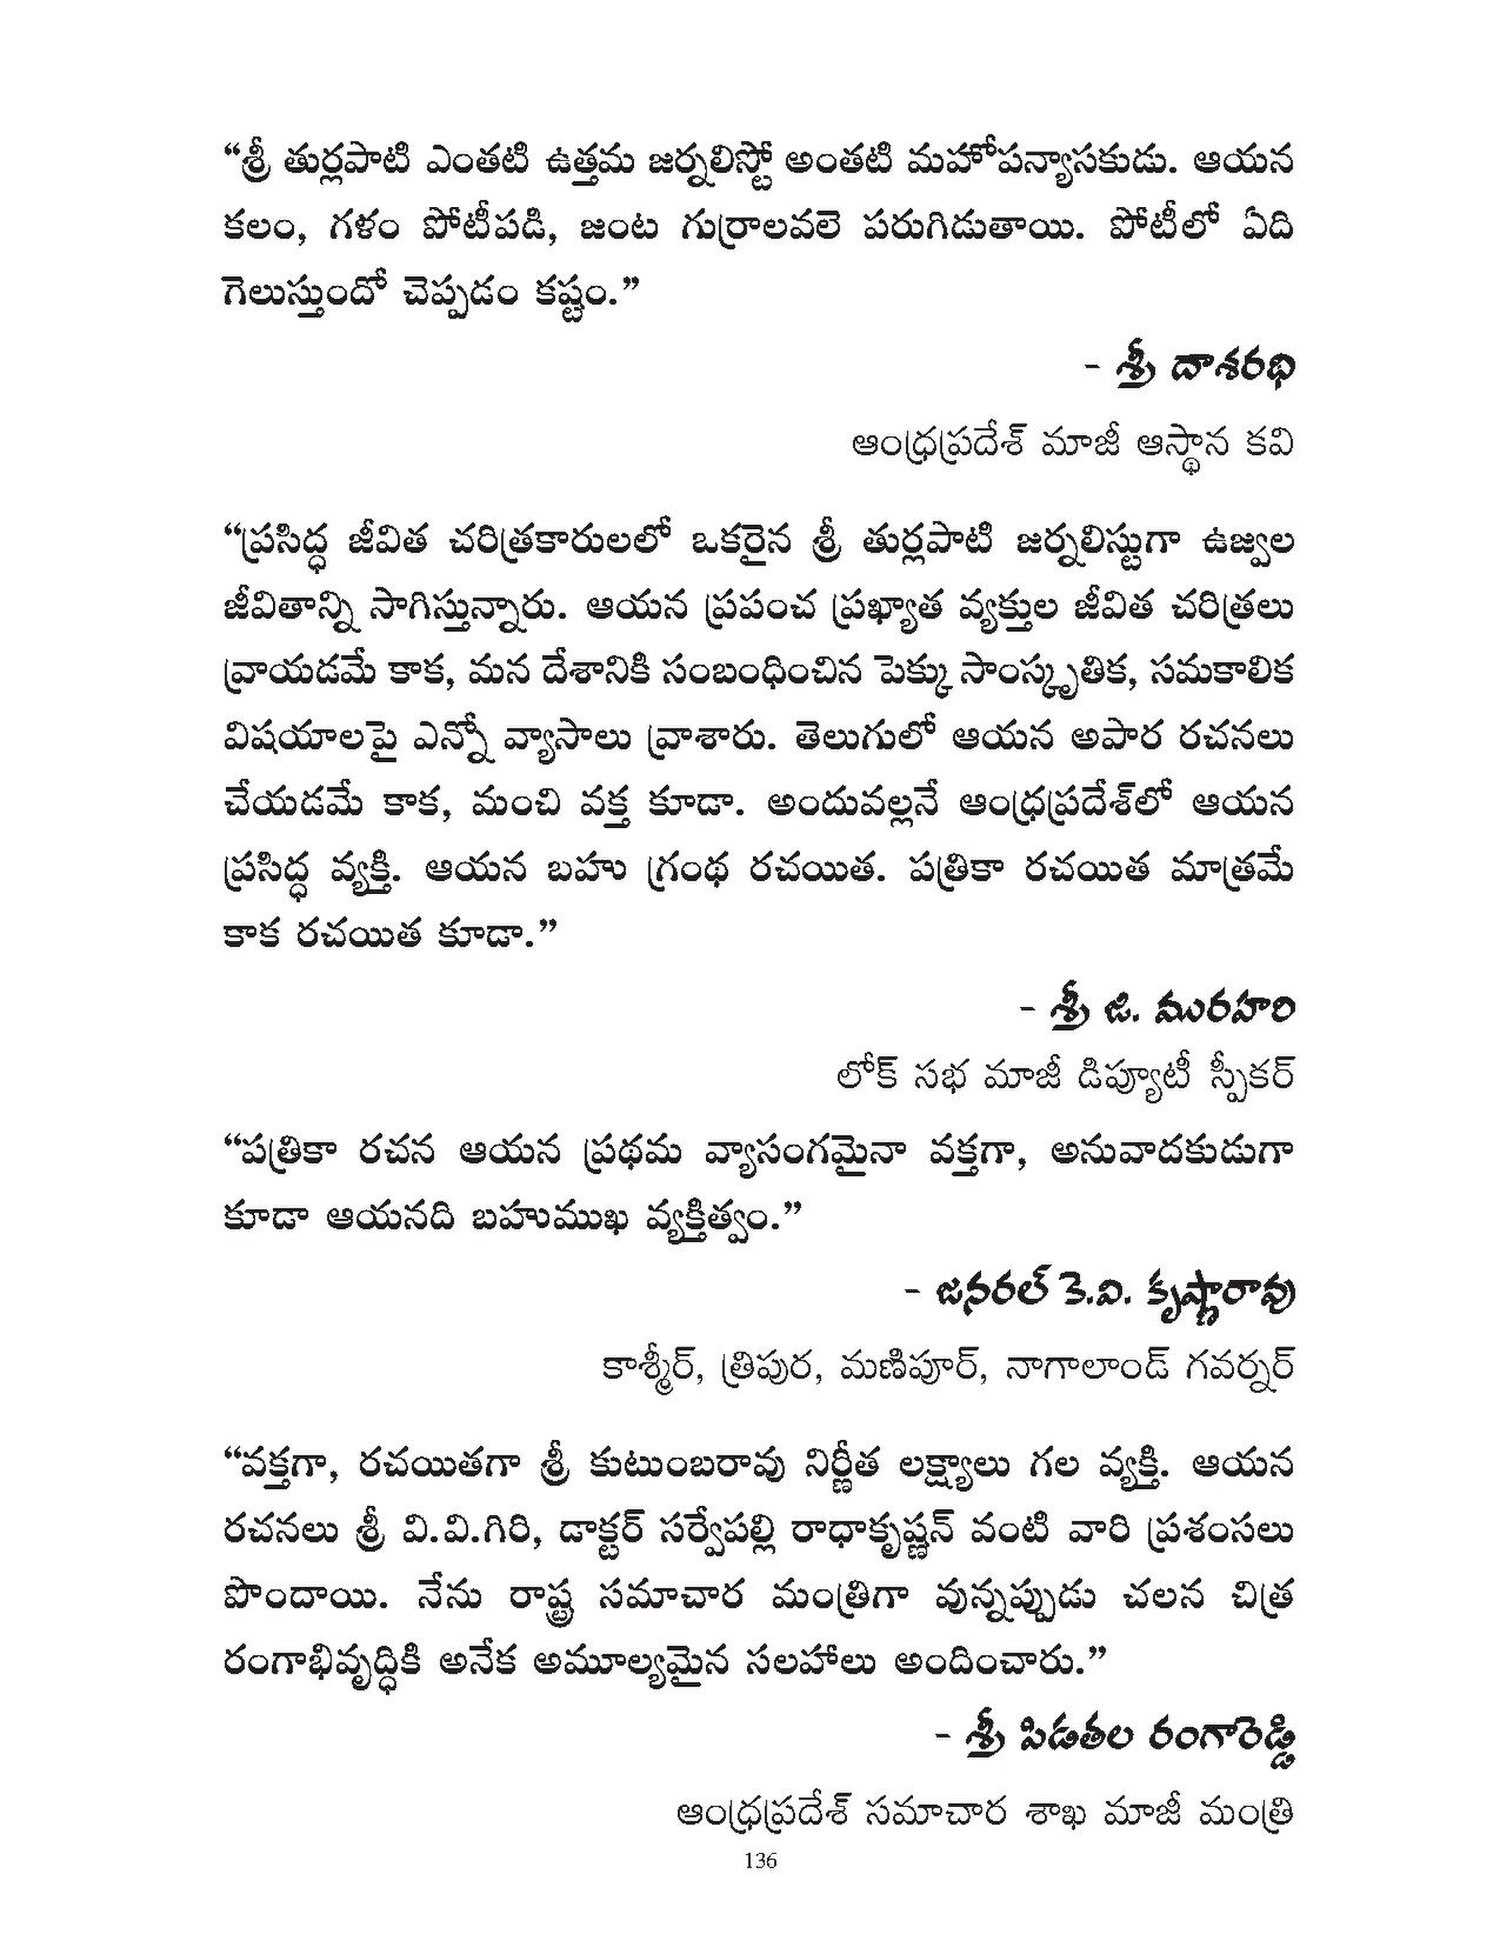"శ్రీ తుర్లపాటి ఎంతటి ఉత్తమ జర్నలిస్టో అంతటి మహోపన్యాసకుడు. ఆయన కలం, గళం పోటీపడి, జంట గుర్రాలవలె పరుగిడుతాయి. పోటీలో ఏది గెలుస్తుందో చెప్పడం కష్టం."

"ప్రసిద్ధ జీవిత చరిత్రకారులలో ఒకరైన శ్రీ తుర్లపాటి జర్నలిస్టుగా ఉజ్వల
జీవితాన్ని సాగిస్తున్నారు. ఆయన ప్రపంచ ప్రఖ్యాత వ్యక్తుల జీవిత చరిత్రలు
వ్రాయడమే కాక, మన దేశానికి సంబంధించిన పెక్కు సాంస్కృతిక, సమకాలిక
విషయాలపై ఎన్నో వ్యాసాలు వ్రాశారు. తెలుగులో ఆయన అపార రచనలు
చేయడమే కాక, మంచి వక్త కూడా. అందువల్లనే ఆంధ్రప్రదేశ్‌లో ఆయన
ప్రసిద్ధ వ్యక్తి. ఆయన బహు గ్రంథ రచయిత. పత్రికా రచయిత మాత్రమే
కాక రచయిత కూడా."

"పత్రికా రచన ఆయన ప్రథమ వ్యాసంగమైనా వక్తగా, అనువాదకుడుగా
కూడా ఆయనది బహుముఖ వ్యక్తిత్వం."

"వక్తగా, రచయితగా శ్రీ కుటుంబరావు నిర్ణీత లక్ష్యాలు గల వ్యక్తి. ఆయన
రచనలు శ్రీ వి.వి.గిరి, డాక్టర్ సర్వేపల్లి రాధాకృష్ణన్‌ వంటి వారి ప్రశంసలు
పొందాయి. నేను రాష్ట్ర సమాచార మంత్రిగా వున్నప్పుడు చలన చిత్ర
రంగాభివృద్ధికి అనేక అమూల్యమైన సలహాలు అందించారు."